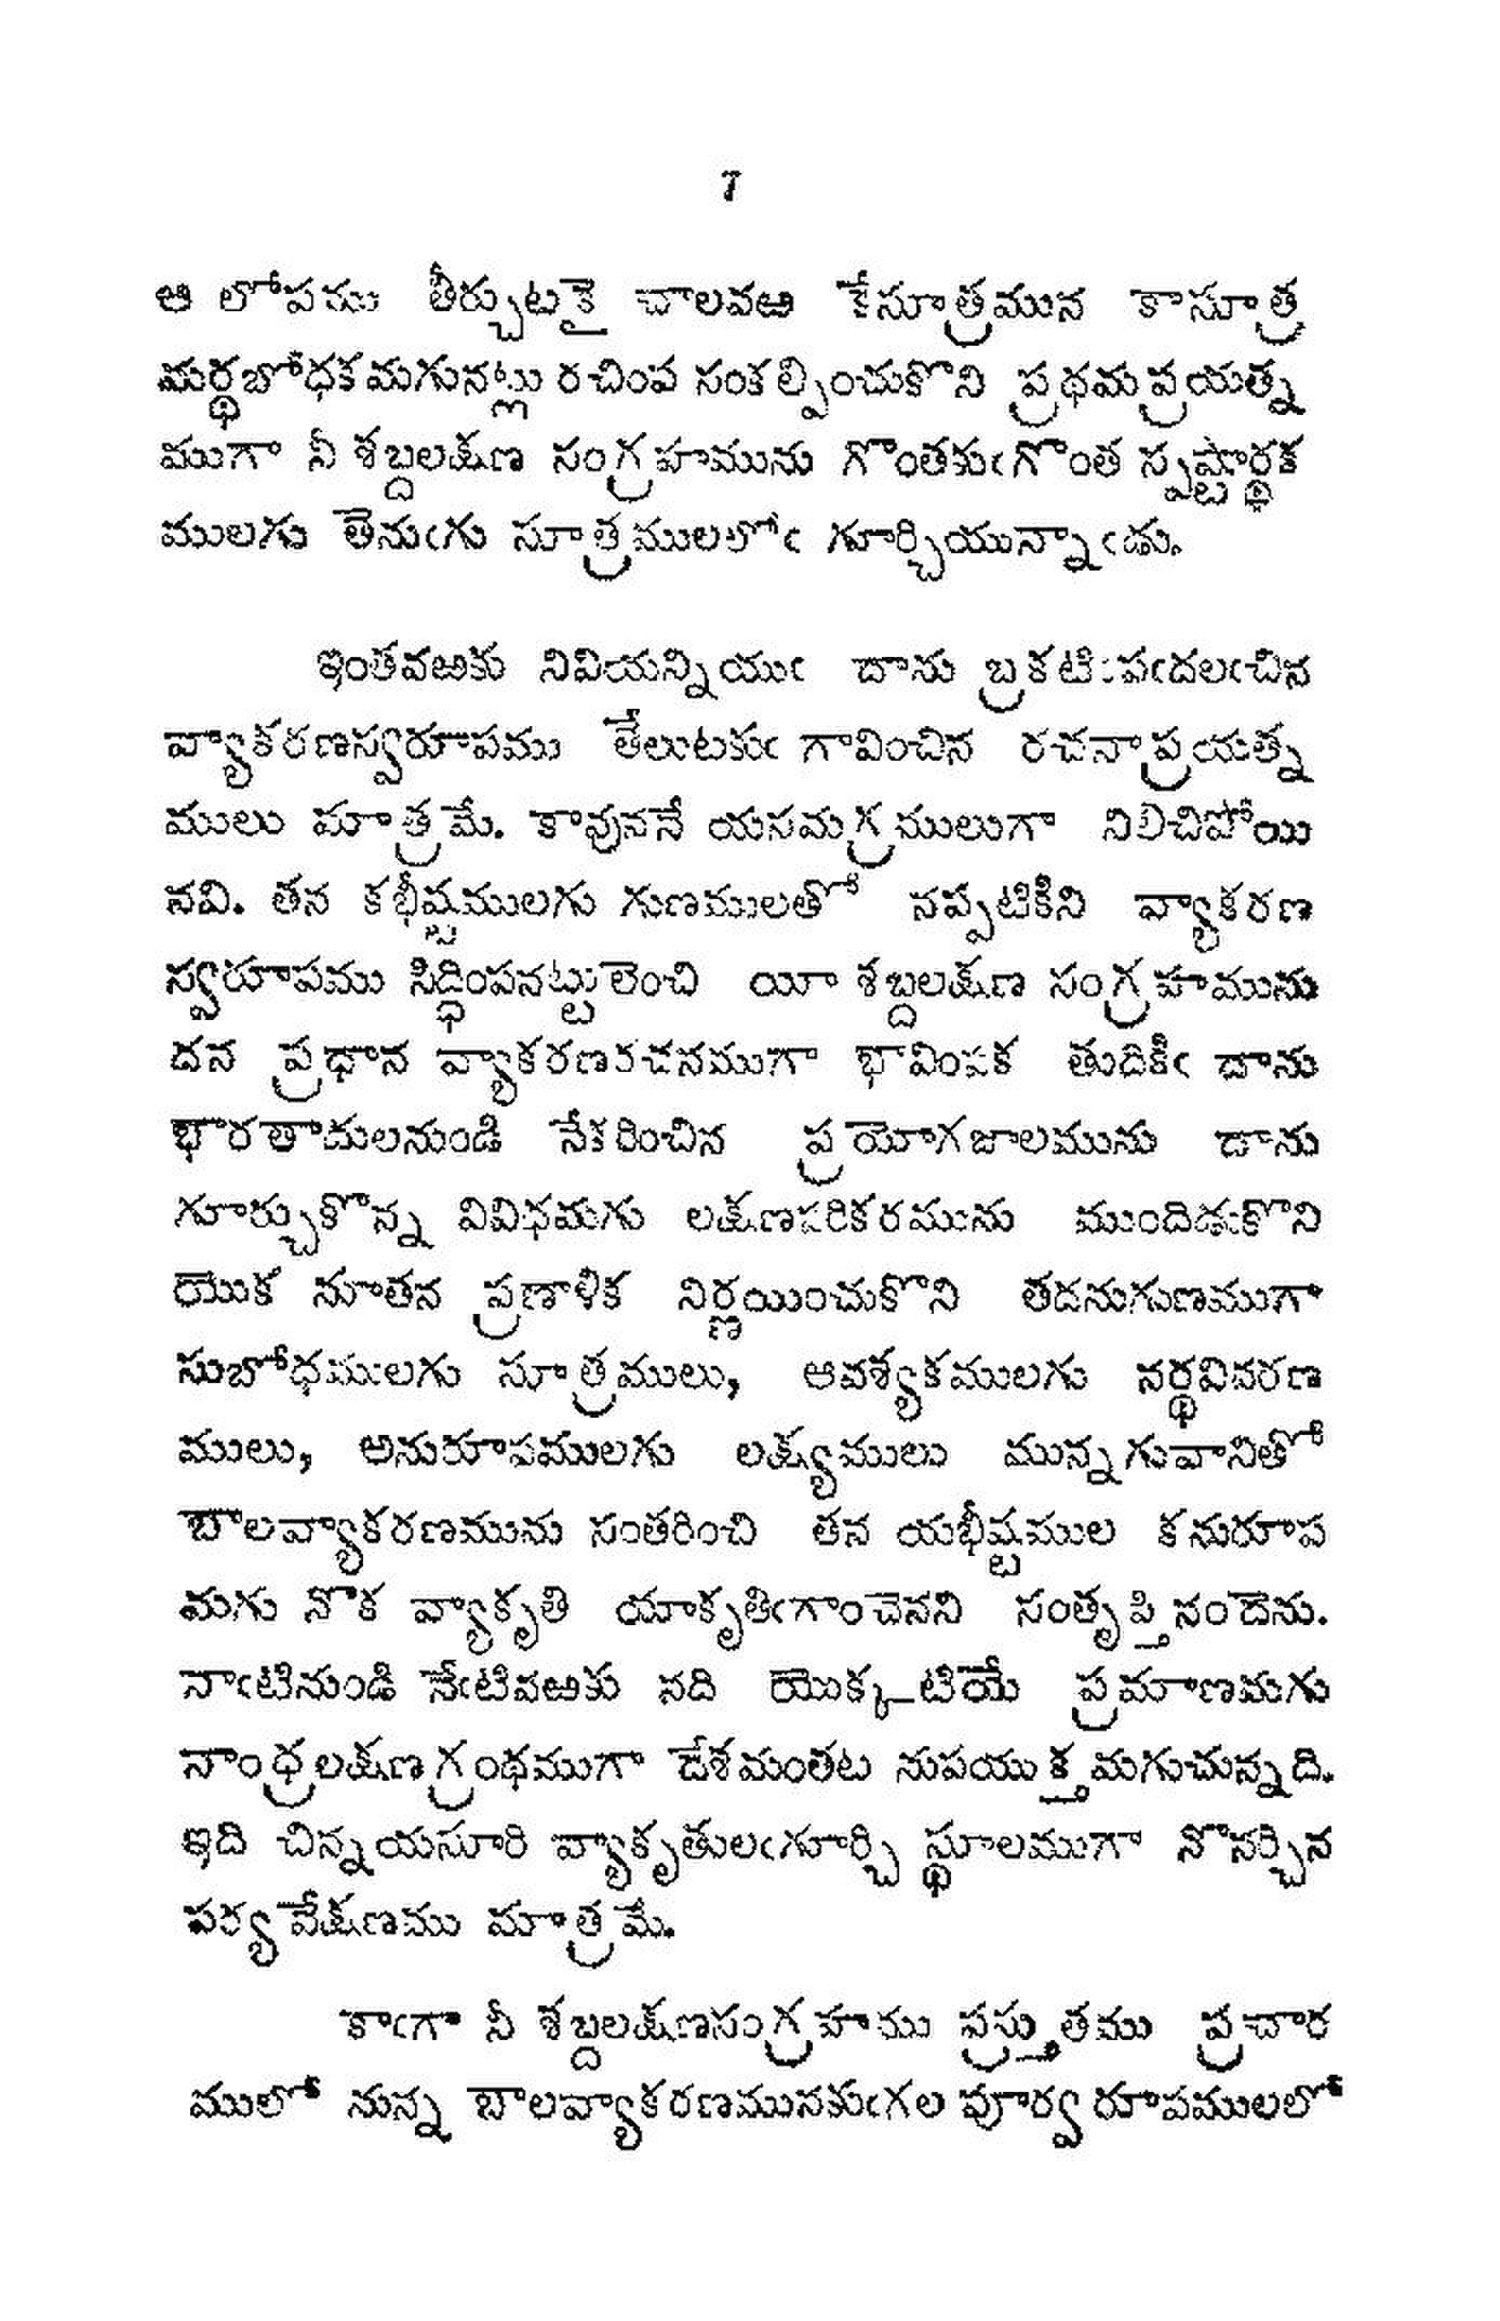ఆ లోపము తీర్చుటకై చాలవఱ కేసూత్రమున కాసూత్ర మర్థబోధకమగునట్లు రచింప సంకల్పించుకొని ప్రథమప్రయత్నముగా నీ శబ్దలక్షణ సంగ్రహమును గొంతకుఁగొంత స్పష్టార్థకములగు తెనుఁగు సూత్రములలోఁ గూర్చియున్నాఁడు.

ఇంతవఱకు నివియన్నియుఁ దాను బ్రకటింపఁదలఁచిన వ్యాకరణస్వరూపము తేలుటకుఁ గావించిన రచనాప్రయత్నములు మాత్రమే. కావుననే యసమగ్రములుగా నిలిచిపోయినవి. తన కభీష్టములగు గుణములతో నప్పటికిని వ్యాకరణ స్వరూపము సిద్ధింపనట్టులెంచి యీ శబ్దలక్షణ సంగ్రహమును దన ప్రధాన వ్యాకరణరచనముగా భావింపక తుదికిఁ దాను భారతాదులనుండి సేకరించిన ప్రయోగజాలమును దాను గూర్చుకొన్న వివిధమగు లక్షణపరికరమును ముందిడుకొని యొక నూతన ప్రణాళిక నిర్ణయించుకొని తదనుగుణముగా సుబోధములగు సూత్రములు, ఆవశ్యకములగు నర్థవివరణములు, అనురూపములగు లక్ష్యములు మున్నగువానితో బాలవ్యాకరణమును సంతరించి తన యభీష్టముల కనురూపమగు నొక వ్యాకృతి యాకృతిఁగాంచెనని సంతృప్తి నందెను. నాఁటినుండి నేఁటివఱకు నది యొక్కటియే ప్రమాణమగు నాంధ్రలక్షణ గ్రంథముగా దేశమంతట నుపయుక్తమగుచున్నది. ఇది చిన్నయసూరి వ్యాకృతులఁగూర్చి స్థూలముగా నొనర్చిన పర్యవేక్షణము సూత్రమే

కాఁగా నీ శబ్దలక్షణసంగ్రహము ప్రస్తుతము ప్రచారములో నున్న బాలవ్యాకరణమునకుఁ గల పూర్వ రూపములలో